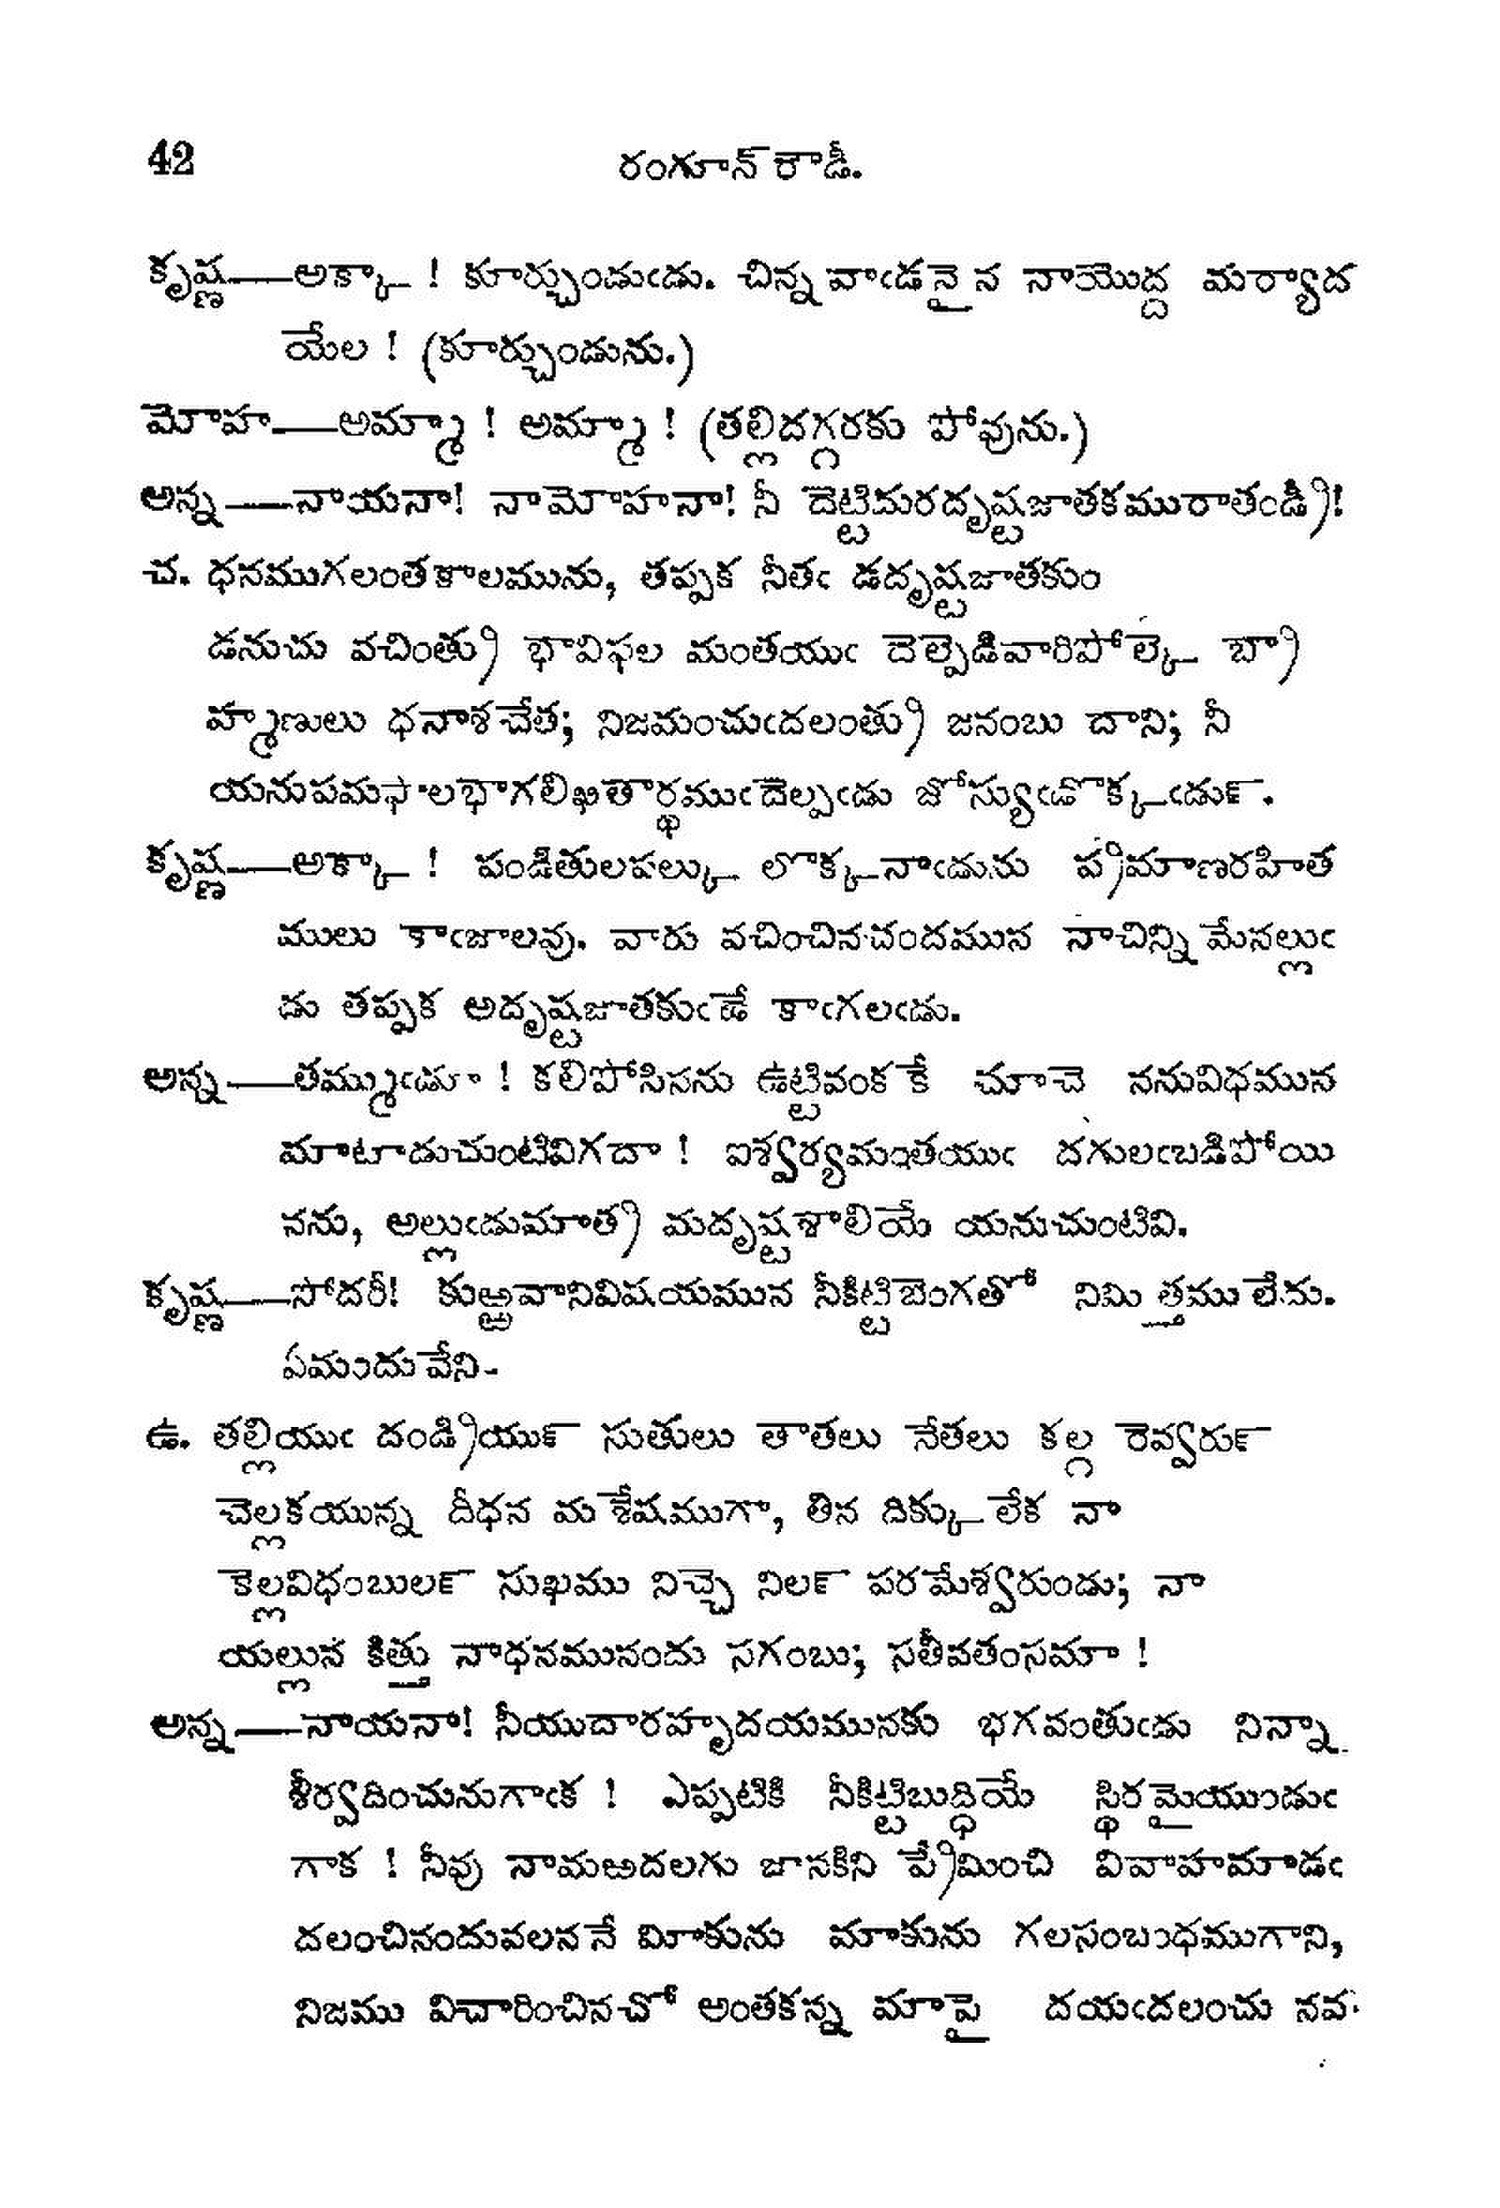కృష్ణ. -అక్కా ! కూర్చుండుఁడు. చిన్నవాఁడనైన నాయొద్ద మర్యాద యేల ! (కూర్చుండును.)

మోహ - అమ్మా ! అమ్మా ! (తల్లిదగ్గరకు పోవును.)

అన్న -- నాయనా! నామోహనా! నీ దెట్టిదురదృష్టజాతకమురాతండ్రీ.!

చ. ధనముగలంతకాలమును, తప్పక నీతఁ డదృష్టజాతకుం డనుచు వచింతు భావిఫల మంతయుఁ దెల్పెడివారిపోల్కె బ్రాహ్మణులు ధనాశచేత; నిజమంచుఁదలంత్రు జనంబు దాని; నీ యనుపమఫాల భాగలిఖితార్థముఁదెల్పఁడు జోస్యుఁడొక్కఁడున్.

కృష్ణ - అక్కా! పండితులపల్కు లొక్కనాఁడును ప్రమాణరహితములు కాఁజాలవు. వారు వచించిన చందమున నాచిన్నిమేనలుఁడు తప్పక అదృష్టజూతకుఁడే కాఁగలఁడు.

అన్న — తమ్ముఁడూ ! కలిపోసినను ఉట్టివంకకే చూచె ననువిధమున మాటాడుచుంటివిగదా ! ఐశ్వర్యమంతయుఁ దగులఁబడిపోయినను, అల్లుఁడుమాత్ర మదృష్టశాలియే యనుచుంటివి.

కృష్ణ - -సోదరీ! కుఱ్ఱవానివిషయమున నీకిట్టిబెంగతో నిమిత్తములేదు. ఏమందువేని.

ఉ. తల్లియుఁ దండ్రియున్ సుతులు తాతలు నేతలు కల్గ రెవ్వరున్ చెల్లకయున్న దీధన మశేషముగా, తిన దిక్కు లేక నా కెల్లవిధంబులన్ సుఖము నిచ్చె నిలన్ పరమేశ్వరుండు, నా యల్లున కిత్తు నాధనమునందు సగంబు; సతీవతంసమా !

అన్న – నాయనా! నీయుదారహృదయమునకు భగవంతుఁడు నిన్నాశీర్వదించునుగాఁ ! ఎప్పటికి నీకిట్టిబుద్ధియే స్థిరమైయుండుఁ గాక ! నీవు నామఱదలగు జానకిని ప్రేమించి వివాహమాడఁ
దలంచినందువలననే మీకును మాకును గలసంబంధముగాని, నిజము విచారించినచో అంతకన్న మాపై దయఁదలంచు నవ